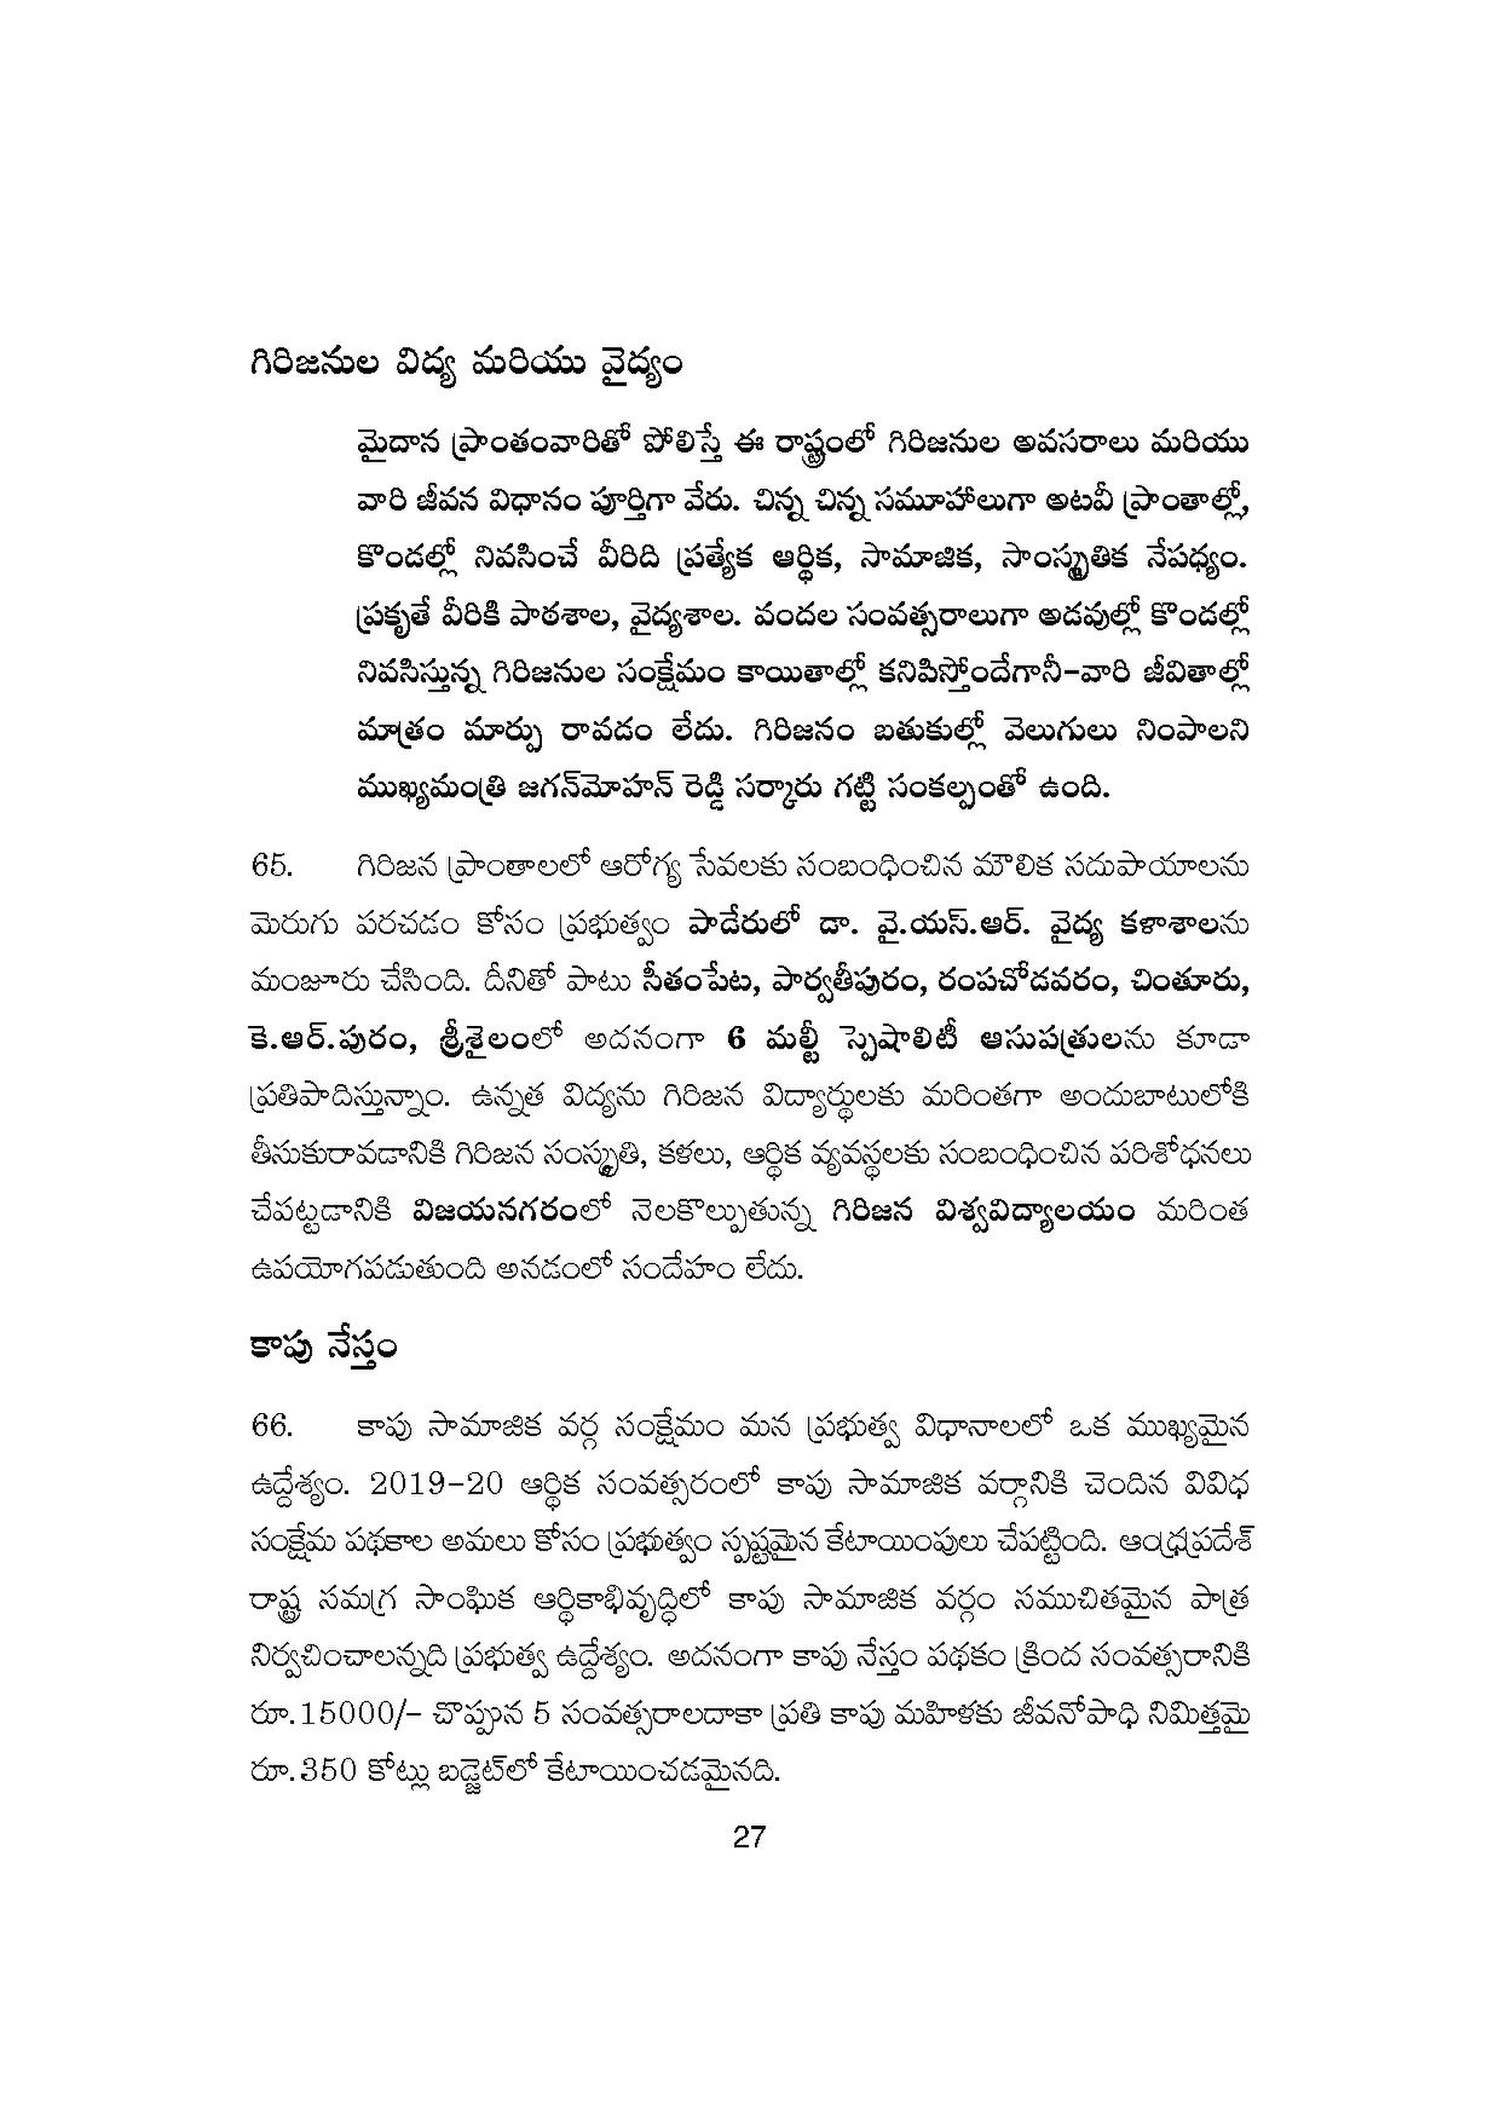గిరిజనుల విద్య మరియు వైద్యం
మైదాన ప్రాంతంవారితో పోలిస్తే ఈ రాష్ట్రంలో గిరిజనుల అవసరాలు మరియు వారి జీవన విధానం పూర్తిగా వేరు. చిన్న చిన్న సమూహాలుగా అటవీ ప్రాంతాల్లో కొండల్లో నివసించే వీరిది ప్రత్యేక ఆర్థిక, సామాజిక, సాంస్కృతిక నేపధ్యం. ప్రకృతే వీరికి పాఠశాల, వైద్యశాల. వందల సంవత్సరాలుగా అడవుల్లో కొండల్లో నివసిస్తున్న గిరిజనుల సంక్షేమం కాయితాల్లో కనిపిస్తోందేగానీ వారి జీవితాల్లో మాత్రం మార్పు రావడం లేదు. గిరిజనం బతుకుల్లో వెలుగులు నింపాలని ముఖ్యమంత్రి జగన్మోహన్ రెడ్డి సర్కారు గట్టి సంకల్పంతో ఉంది. 

65. గిరిజన ప్రాంతాలలో ఆరోగ్య సేవలకు సంబంధించిన మౌలిక సదుపాయాలను మెరుగు పరచడం కోసం ప్రభుత్వం పాడేరులో డా. వై.యస్.ఆర్. వైద్య కళాశాలను మంజూరు చేసింది. దీనితో పాటు సీతంపేట, పార్వతీపురం, రంపచోడవరం, చింతూరు, కె.ఆర్.పురం, శ్రీశైలంలో అదనంగా 6 మల్టీ స్పెషాలిటీ ఆసుపత్రులను కూడా ప్రతిపాదిస్తున్నాం. ఉన్నత విద్యను గిరిజన విద్యార్థులకు మరింతగా అందుబాటులోకి తీసుకురావడానికి గిరిజన సంస్కృతి, కళలు, ఆర్థిక వ్యవస్థలకు సంబంధించిన పరిశోధనలు చేపట్టడానికి విజయనగరంలో నెలకొల్పుతున్న గిరిజన విశ్వవిద్యాలయం మరింత ఉపయోగపడుతుంది అనడంలో సందేహం లేదు. 

కాపు నేస్తం 

66. కాపు సామాజిక వర్గ సంక్షేమం మన ప్రభుత్వ విధానాలలో ఒక ముఖ్యమైన ఉద్దేశ్యం. 2019-20 ఆర్థిక సంవత్సరంలో కాపు సామాజిక వర్గానికి చెందిన వివిధ సంక్షేమ పథకాల అమలు కోసం ప్రభుత్వం స్పష్టమైన కేటాయింపులు చేపట్టింది. ఆంధ్రప్రదేశ్ రాష్ట్ర సమగ్ర సాంఘిక ఆర్థికాభివృద్ధిలో కాపు సామాజిక వర్గం సముచితమైన పాత్ర నిర్వచించాలన్నది ప్రభుత్వ ఉద్దేశ్యం. అదనంగా కాపు నేస్తం పథకం క్రింద సంవత్సరానికి రూ.15000/- చొప్పున 5 సంవత్సరాలదాకా ప్రతి కాపు మహిళకు జీవనోపాధి నిమిత్తమై రూ.350 కోట్లు బడ్జెట్ కేటాయించడమైనది.